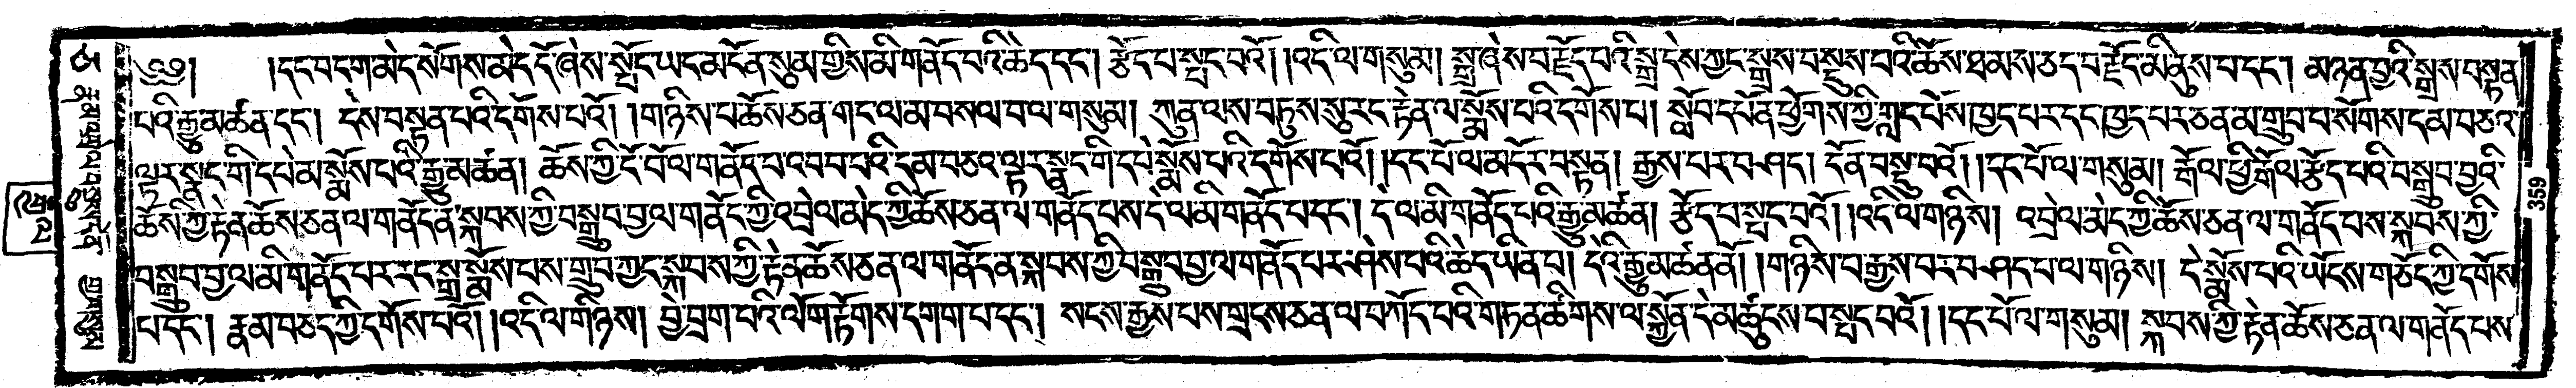༄༅། །དང་བདག་མེད་སོགས་མེད་དོ་ཞེས་སྤོང་ཡང་མངོན་སུམ་གྱིས་མི་གནོད་པའི་ཆེད་དང་། རྩོད་པ་སྤང་བའོ། །འདི་ལ་གསུམ། སྒྲ་ཞེས་བརྗོད་པའི་སྒྲ་དེས་ཀྱང་སྒྲས་བསྡུས་པའི་ཆོས་ཐམས་ཅད་བརྗོད་མི་ནུས་པ་དང་། མཉན་བྱའི་སྒྲས་བསྟན་
པའི་རྒྱུ་མཚན་དང་། དེས་བསྟན་པའི་དགོས་པའོ། །གཉིས་པ་ཆོས་ཅན་གང་ལ་མ་བསལ་བ་ལ་གསུམ། ཀུན་ལས་བཏུས་སུ་རང་རྟེན་ལ་སྨོས་པའི་དགོས་པ། སློབ་དཔོན་ཕྱོགས་ཀྱི་གླང་པོས་ཁྱད་པར་དང་ཁྱད་པར་ཅན་མ་གྲུབ་པ་སོགས་དམ་བཅའ་
ལྟར་སྣང་གི་དཔེ་མ་སྨོས་པའི་རྒྱུ་མཚན། ཆོས་ཀྱི་ངོ་བོ་ལ་གནོད་པ་འབབ་པའི་དམ་བཅའ་ལྟར་སྣང་གི་དཔེ་སྨོས་པའི་དགོས་པའོ། །དང་པོ་ལ་མདོར་བསྟན། རྒྱས་པར་བཤད། དོན་བསྡུ་བའོ། །དང་པོ་ལ་གསུམ། རྒོལ་ཕྱི་རྒོལ་རྩོད་པའི་བསྒྲུབ་བྱའི་
ཆོས་ཀྱི་རྟེན་ཆོས་ཅན་ལ་གནོད་ན་སྐབས་ཀྱི་བསྒྲུབ་བྱ་ལ་གནོད་ཀྱི་འབྲེལ་མེད་ཀྱི་ཆོས་ཅན་ལ་གནོད་པས་དེ་ལ་མི་གནོད་པ་དང་། དེ་ལ་མི་གནོད་པའི་རྒྱུ་མཚན། རྩོད་པ་སྤང་བའོ། །འདི་ལ་གཉིས། འབྲེལ་མེད་ཀྱི་ཆོས་ཅན་ལ་གནོད་པས་སྐབས་ཀྱི་
བསྒྲུབ་བྱ་ལ་མི་གནོད་པར་རང་སྒྲ་སྨོས་པས་གྲུབ་ཀྱང་སྐབས་ཀྱི་རྟེན་ཆོས་ཅན་ལ་གནོད་ན་སྐབས་ཀྱི་བསྒྲུབ་བྱ་ལ་གནོད་པར་ཤེས་པའི་ཆེད་ཡིན་པ། དེའི་རྒྱུ་མཚན་ནོ། །གཉིས་པ་རྒྱས་པར་བཤད་པ་ལ་གཉིས། དེ་སྨོས་པའི་ཡོངས་གཅོད་ཀྱི་དགོས་
པ་དང་། རྣམ་བཅད་ཀྱི་དགོས་པའོ། །འདི་ལ་གཉིས། བྱེ་བྲག་པའི་ལོག་རྟོགས་དགག་པ་དང་། སངས་རྒྱས་པས་གྲངས་ཅན་ལ་བཀོད་པའི་གཏན་ཚིགས་ལ་སྐྱོན་དེ་མཚུངས་པ་སྤང་བའོ། །དང་པོ་ལ་གསུམ། སྐབས་ཀྱི་རྟེན་ཆོས་ཅན་ལ་གནོད་པས་